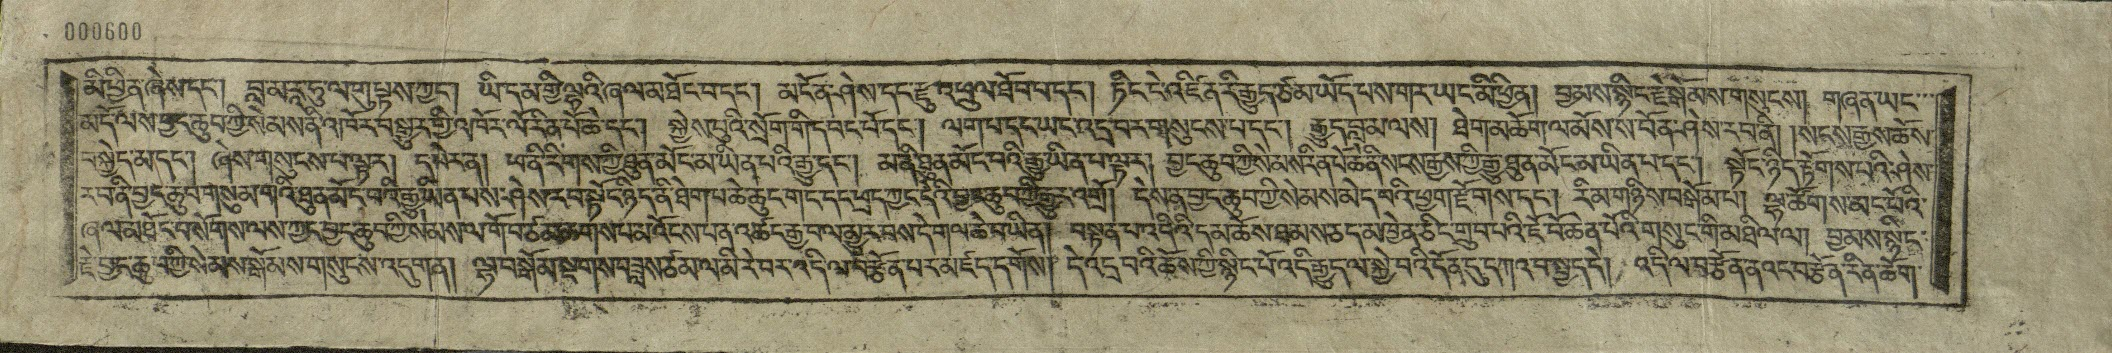མི་ཕྱིན་ཞེས་དང་། བླ་མ་རཱ་ཧུ་ལ་གུ་པྪས་ཀྱང་། ཡི་དམ་གྱི་ལྷའི་ཞལ་མཐོང་བ་དང་། མངོན་ཤེས་དང་རྫུ་འཕྲུལ་ཐོབ་པ་དང་། ཏིང་ངེ་འཛིན་རི་རྒྱུད་ཙམ་ཡོད་པས་གར་ཡང་མི་ཕྱིན། བྱམས་སྙིང་རྗེ་སྒོམས་གསུངས། གཞན་ཡང་
མདོ་ལས་བྱང་ཆུབ་ཀྱི་སེམས་ནི་འཁོར་བསྒྱུར་གྱི་འཁོར་ལོ་རིན་པོ་ཆེ་དང་། སྐྱེས་བུའི་སྲོག་གི་དབང་པོ་དང་། ལག་པ་དང་ཡང་འདྲ་བར་གསུངས་པ་དང་། རྒྱུད་བླ་མ་ལས། ཐེག་མཆོག་ལ་མོས་ས་བོན་ཤེས་རབ་ནི། །སངས་རྒྱས་ཆོས་
བསྐྱེད་མ་དང་། ཞེས་གསུངས་པ་ལྟར། དཔེར་ན། ཕ་ནི་རིགས་ཀྱི་ཐུན་མོང་མ་ཡིན་པའི་རྒྱུ་དང་། མ་ནི་ཐུན་མོང་བའི་རྒྱུ་ཡིན་པ་ལྟར། བྱང་ཆུབ་ཀྱི་སེམས་རིན་པོ་ཆེན་ནི་སངས་རྒྱས་ཀྱི་རྒྱུ་ཐུན་མོང་མ་ཡིན་པ་དང་། སྟོང་ཉིད་རྟོགས་པའི་ཤེས་
རབ་ནི་བྱང་ཆུབ་གསུམ་གའི་ཐུན་མོང་བའི་རྒྱུ་ཡིན་པས་ཤེས་རབ་སྟོང་ཉིད་ནི་ཐེག་པ་ཆེ་ཆུང་གང་དང་ཕྲད་ཀྱང་དེའི་བྱང་ཆུབ་ཀྱི་རྒྱུར་འགྲོ། དེས་ན་བྱང་ཆུབ་ཀྱི་སེམས་མེད་པའི་ཕྱག་རྫོགས་དང་། རིམ་གཉིས་བསྒོམ་པ། ལྷ་ཚོགས་མང་པོའི་
ཞལ་མཐོང་བ་སོགས་ལས་ཀྱང་བྱང་ཆུབ་ཀྱི་སེམས་ལ་གོ་བ་ཙམ་ཆགས་པ་མ་འོངས་པ་ན་འཚང་རྒྱ་བ་ལ་མྱུར་བས་དེ་གལ་ཆེ་བ་ཡིན། བསྟན་པ་འདིའི་དམ་ཆོས་ཐམས་ཅད་མཁྱེན་ཅིང་གྲུབ་པའི་ཇོ་བོ་ཆེན་པོའི་གསུང་གི་མཐིལ་ལ། བྱམས་སྙིང་
རྗེ་བྱང་ཆུབ་ཀྱི་སེམས་སྒོམས་གསུངས་འདུག་ན། ལྷ་བསྒོམ་སྔགས་བཟླས་ཙམ་ལ་མི་རེ་བར་འདི་ལ་བརྩོན་པར་མཛད་དགོས། དེ་འདྲ་བའི་ཆོས་ཀྱི་སྙིང་པོ་འདི་རྒྱུད་ལ་སྐྱེ་བའི་དོན་དུ་དཀའ་བ་སྤྱད་དེ། འདི་ལ་བརྩོན་ནའང་བརྩོན་རིན་ཆོག་